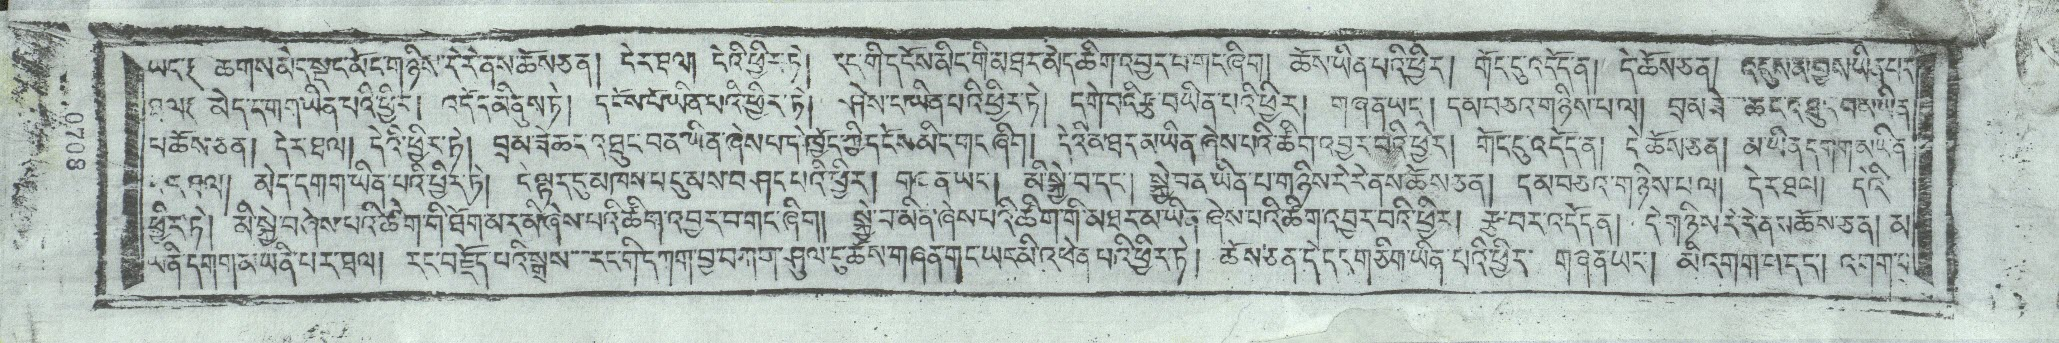ཡང༑ ཆགས་མེད་སྡང་མོང་གཉིས་རེ་རེ་ནས་ཆོས་ཅན། དེར་ཐལ། དེའི་ཕྱིར་ཏེ། རང་གི་དངོས་མིང་གི་མཐར་མེད་ཚིག་འབྱར་བ་གང་ཞིག། ཆོས་ཡིན་པའི་ཕྱིར། གོང་དུ་འདོད་ན། དེ་ཆོས་ཅན། འདུས་མ་བྱས་ཡིན་པར་
ཐལ༑ མེད་དགག་ཡིན་པའི་ཕྱིར། འདོད་མི་ནུས་ཏེ། དངོས་པོ་ཡིན་པའི་ཕྱིར་ཏེ། ཤེས་པ་ཡིན་པའི་ཕྱིར་ཏེ། དགེ་བའི་རྩ་བ་ཡིན་པའི་ཕྱིར། གཞན་ཡང་། དམ་བཅའ་གཉིས་པ་ལ། བྲམ་ཟེ་ཆང་འཐུང་བ་མ་ཡིན་
པ་ཆོས་ཅན། དེར་ཐལ། དེའི་ཕྱིར་ཏེ། བྲམ་ཟེ་ཆང་འཐུང་བ་ན་ཡིན་ཞེས་པ་དེ་ཁྱོད་ཀྱི་དངོས་མིང་གང་ཞིག། དེའི་མཐར་མ་ཡིན་ཞེས་པའི་ཚིག་འབྱར་བའི་ཕྱིར། གོང་དུ་འདོད་ན། དེ་ཆོས་ཅན། མ་ཡིན་དགག་མ་ཡིན་
པར་ཐལ། མེད་དགག་ཡིན་པའི་ཕྱིར་ཏེ། དེ་ལྟར་དུ་མཁས་པ་དུ་མས་བཤད་པའི་ཕྱིར། གཞན་ཡང་། མི་སྐྱེ་བ་དང་། སྐྱེ་བ་མ་ཡིན་པ་གཉིས་རེ་རེ་ནས་ཆོས་ཅན། དམ་བཅའ་གཉིས་པ་ལ། དེར་ཐལ། དེའི་
ཕྱིར་ཏེ། མི་སྐྱེ་བ་ཞེས་པའི་ཚིག་གི་ཐོག་མར་མི་ཞེས་པའི་ཚིག་འབྱར་བ་གང་ཞིག། སྐྱེ་བ་མིན་ཞེས་པའི་ཚིག་གི་མཐར་མ་ཡིན་ཞེས་པའི་ཚིག་འབྱར་བའི་ཕྱིར། རྩ་བར་འདོད་ན། དེ་གཉིས་རེ་རེ་ནས་ཆོས་ཅན། མ་
ཡིན་དགག་མ་ཡིན་པར་ཐལ། རང་བརྗོད་པའི་སྒྲས་རང་གི་དགག་བྱ་བཀག་ཤུལ་དུ་ཆོས་གཞན་གང་ཡང་མི་འཕེན་པའི་ཕྱིར་ཏེ། ཆོས་ཅན་དེ་དང་གཅིག་ཡིན་པའི་ཕྱིར་གཞན་ཡང་། མི་འགག་པ་དང་། འགག་པ་